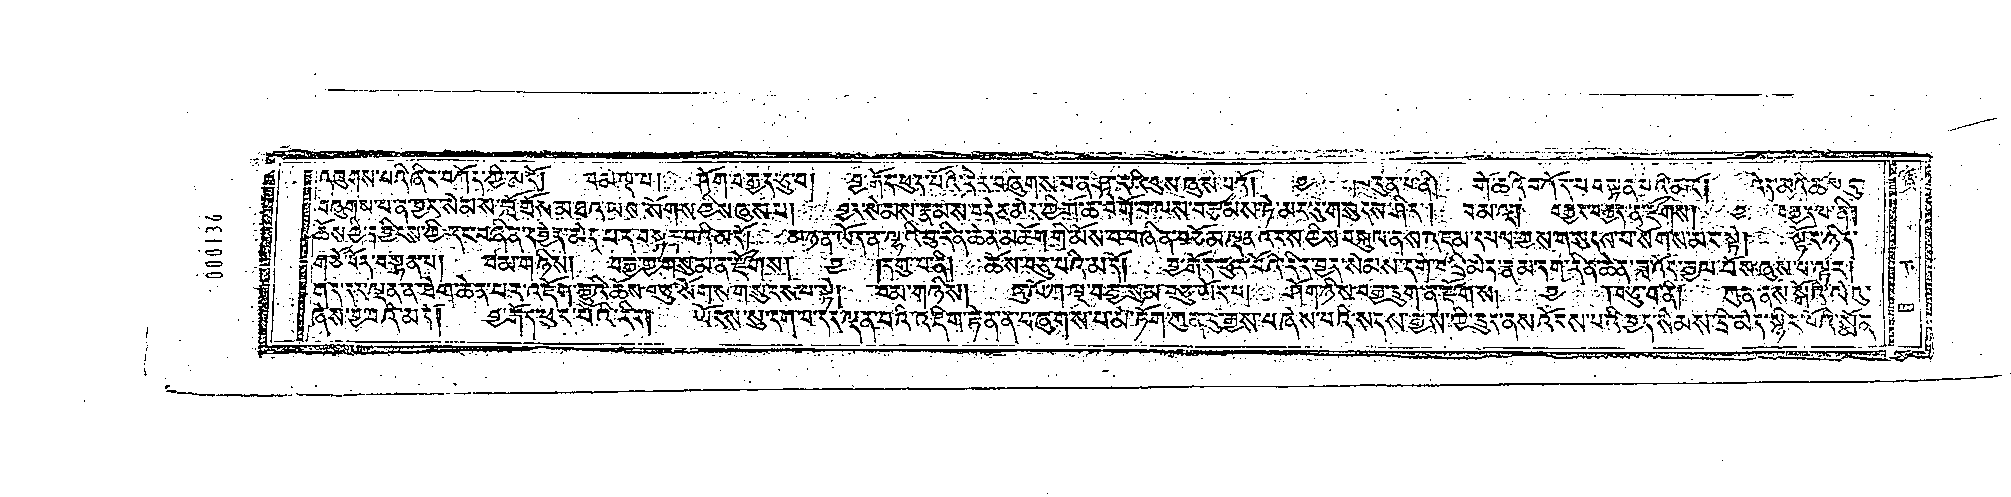འཁྲུགས་པའི་ཞིང་བཀོད་ཀྱི་མདོ། བམ་ལྔ་པ། ཤོག་བརྒྱད་ཅུ་པ། བྱ་རྒོད་ཕུང་པོའི་རིར་བཞུགས་པ་ན་ཤཱ་རིའི་བུས་ཞུས་པའོ། ༧་།བདུན་པ་ནི། གོ་ཆའི་བཀོད་པ་བསྟན་པའི་མངོ། འོད་མའི་ཚལ་དུ་
བཞུགས་པ་ན་བྱང་སེམས་བློ་གྲོས་མཐའ་ཡས་སོགས་གྱིས་ཞུས་པ། བྱང་སེམས་རྣམས་བདེན་མེད་ཀྱི་གོ་ཆ་བགོ་བ་ལས་བརྩམས་ཏེ་མང་དུ་གསུངས་ཤིང་། བམ་ལྔ། བརྒྱད་བརྒྱད་ན་རྫོགས། ༧་བརྒྱད་པ་ནི།
ཆོས་ཀྱི་དབྱིངས་ཀྱི་རང་བཞིན་དབྱེར་མེད་པར་བསྟན་པའི་མདོ། མཉན་ཡོད་ན་ལྷའི་བུ་རིན་ཆེན་མཆོག་གི་མོས་བ་བཞིན་བཅོམ་ལྡན་འདས་ཀྱིས་བསྐུལ་ནས་འཇམ་དཔལ་གྱིས་གསུངས་པ་སོགས་མང་སྟེ། སྟོང་ཉིད་
གཙོ་བོར་བསྟན་པ། བམ་གཉིས། བརྒྱ་གྱ་གསུམ་ན་རྫོགས། ༧་།དགུ་པ་ནི། ཆོས་བཅུ་པའི་མདོ། བྱ་རྒོད་ཕུང་པོའི་རིར་བྱད་སེམས་དགེ་བ་དྲི་མེད་རྣམ་དག་རིན་ཆེན་ཟླ་འོད་རྒྱལ་པོས་ཞུས་པ་ལྟར།
གང་དང་ལྡན་ན་ཐེག་ཆེན་པར་འཇོག་རྒྱུའི་ཆོས་བཅུ་སོགས་གསུངས་པ་སྟེ། བམ་གཉིས། ཤུ་ལོ་ཀ་ལྔ་བརྒྱ་སུམ་བཅུ་ཡོད་པ། ཤོག་ཉིས་བརྒྱ་དྲུག་ན་རྫོགས། ༧་།བཅུ་པ་ནི། ཀུན་ནས་སྒོའི་ལེའུ་
ཞེས་བྱ་བའི་མདོ། བྱ་རྒོད་ཕུང་པོའི་རིར། ཡོངས་སུ་དག་པ་དང་ལྡན་པའི་འཇིག་རྟེན་ན་བཞུགས་པ་མེ་ཏོག་ཀུན་དུ་རྒྱས་པ་ཞེས་པའི་སངས་རྒྱས་ཀྱི་དྲུང་ནས་འོངས་པའི་བྱང་སེམས་དྲི་མེད་སྙིང་པོའི་སྨོན་